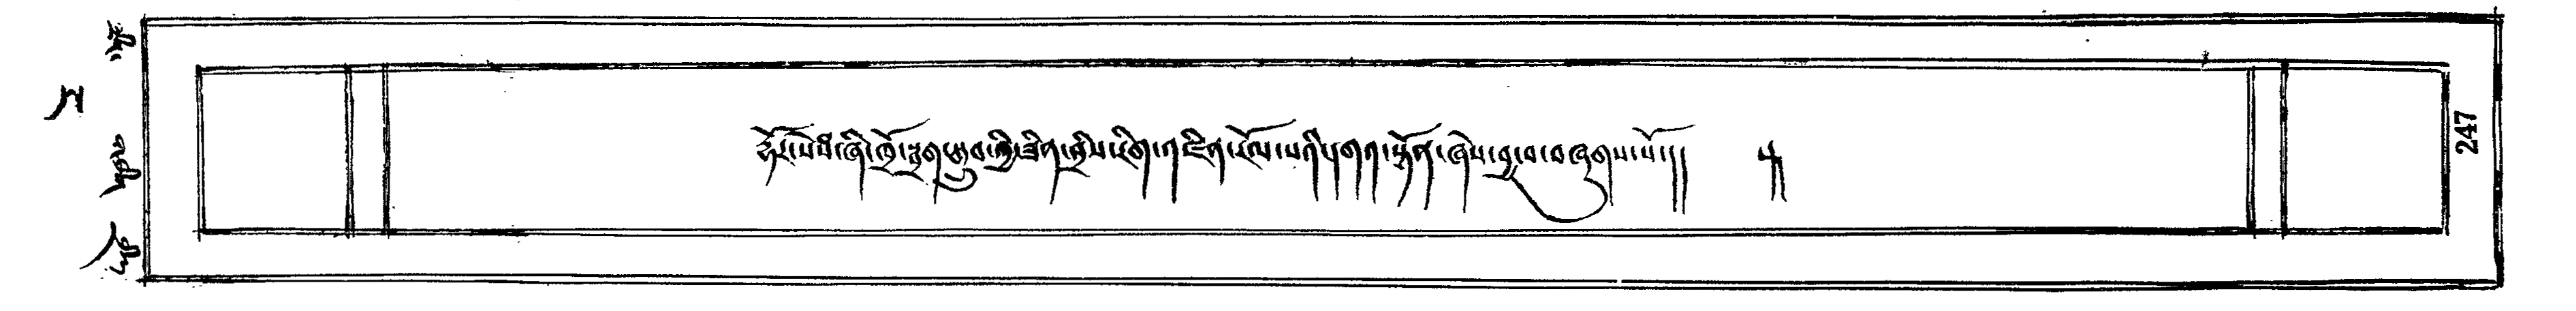རྡོར་སེམས་ཞི་ཁྲོ་སྦགས་སྒྲུབ་ཀྱི་ཟིན་བྲིས་རིག་འཛིན་རོལ་པའི་དགའ་སྟོན་ཞེས་བྱ་བ་བཞུགས་སོ།།